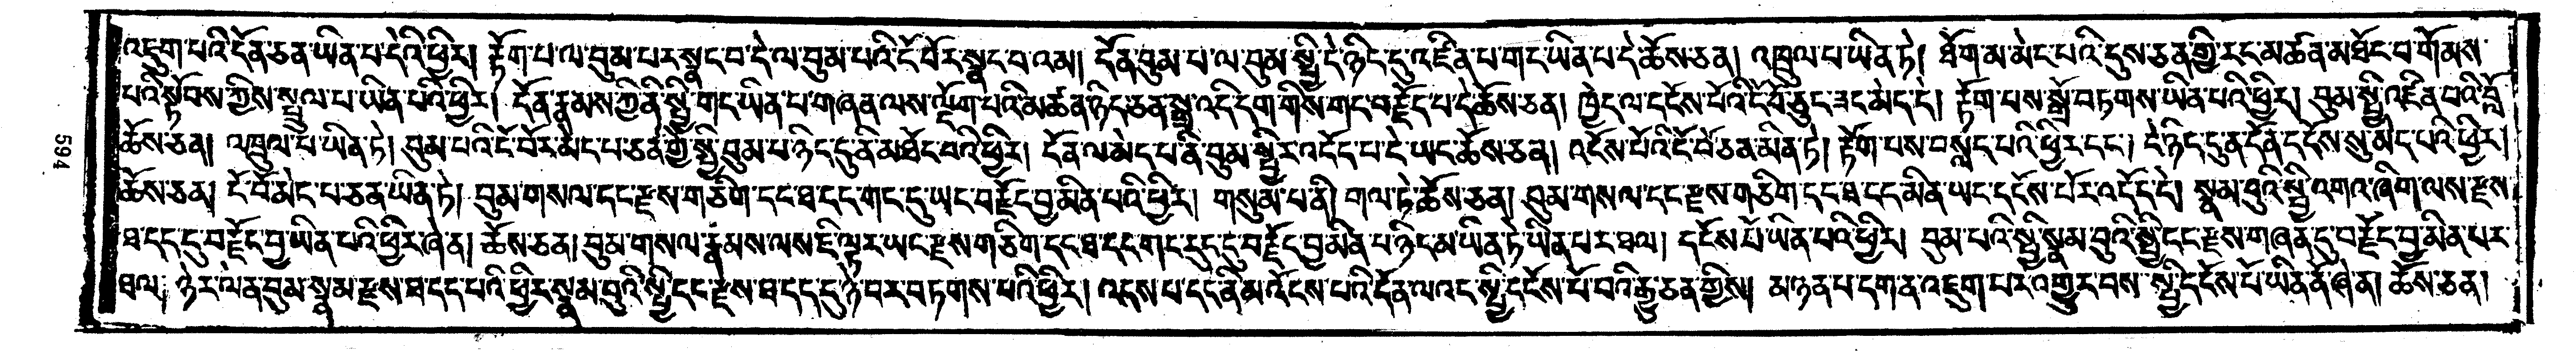འཇུག་པའི་དོན་ཅན་ཡིན་པ་དེའི་ཕྱིར། རྟོག་པ་ལ་བུམ་པར་སྣང་བ་དེ་ལ་བུམ་པའི་ངོ་བོར་སྣང་བ་འམ། དོན་བུམ་པ་ལ་བུམ་སྤྱི་དེ་ཉིད་དུ་འཛིན་པ་གང་ཡིན་པ་དེ་ཆོས་ཅན། འཁྲུལ་པ་ཡིན་ཏེ། ཐོག་མ་མེད་པའི་དུས་ཅན་གྱི་རང་མཚན་མཐོང་བ་གོམས་
པའི་སྟོབས་ཀྱིས་སྤྲུལ་པ་ཡིན་པའི་ཕྱིར། དོན་རྣམས་ཀྱི་ནི་སྤྱི་གང་ཡིན་པ་གཞན་ལས་ལྡོག་པའི་མཚན་ཉིད་ཅན་སྒྲ་འདི་དག་གིས་གང་བརྗོད་པ་དེ་ཆོས་ཅན། ཁྱེད་ལ་དངོས་པོའི་ངོ་བོ་ཅུང་ཟད་མེད་དེ། རྟོག་པས་སྒྲོ་བཏགས་ཡིན་པའི་ཕྱིར། བུམ་སྤྱི་འཛིན་པའི་བློ་
ཆོས་ཅན། འཁྲུལ་པ་ཡིན་ཏེ། བུམ་པའི་ངོ་བོར་མེད་པ་ཅན་གྱི་སྤྱི་བུམ་པ་ཉིད་དུ་ནི་མཐོང་བའི་ཕྱིར། དོན་ལ་མེད་པ་ནི་བུམ་སྤྱིར་འདོད་པ་དེ་ཡང་ཆོས་ཅན། འདོས་པོའི་ངོ་བོ་ཅན་མིན་ཏེ། རྟོག་པས་བསླད་པའི་ཕྱིར་དང་། དེ་ཉིད་དུ་ན་དོན་དངོས་སུ་མེད་པའི་ཕྱིར།
ཆོས་ཅན། ངོ་བོ་མེད་པ་ཅན་ཡིན་ཏེ། བུམ་གསལ་དང་རྫས་གཅིག་དང་ཐ་དད་གང་དུ་ཡང་བརྗོད་བྱ་མིན་པའི་ཕྱིར། གསུམ་པ་ནི། གལ་ཏེ་ཆོས་ཅན། བུམ་གསལ་དང་རྫས་གཅིག་དང་ཐ་དད་མིན་ཡང་དངོས་པོར་འདོད་དེ། སྣམ་བུའི་སྦྱི་འགའ་ཞིག་ལས་རྫས་
ཐ་དད་དུ་བརྗོད་བྱ་ཡིན་པའི་ཕྱིར་ཞེ་ན། ཆོས་ཅན། བུམ་གསལ་རྣམས་ལས་ཇི་ལྟར་ཡང་རྫས་གཅིག་དང་ཐ་དད་གང་རུང་དུ་བརྗོད་བྱ་མིན་པ་ཉིད་མ་ཡིན་ཏེ་ཡིན་པར་ཐལ། དངོས་པོ་ཡིན་པའི་ཕྱིར། བུམ་པའི་སྦྱི་སྣམ་བུའི་སྦྱི་དང་རྫས་གཞན་དུ་བརྗོད་བྱ་མིན་པར་
ཐལ༑ ཉེར་ལེན་བུམ་སྣམ་རྫས་ཐ་དད་པའི་ཕྱིར་སྣམ་བུའི་སྤྱི་དང་རྫས་ཐ་དད་དུ་ཉེ་བར་བཏགས་པའི་ཕྱིར། འདས་པ་དང་ནི་མ་འོངས་པའི་དོན་ལའང་སྤྱི་དངོས་པོ་བའི་རྒྱུ་ཅན་གྱིས། མཉན་པ་དག་ན་འཇུག་པར་འགྱུར་བས་སྦྱི་དངོས་པོ་ཡིན་ནོ་ཞེ་ན། ཆོས་ཅན།